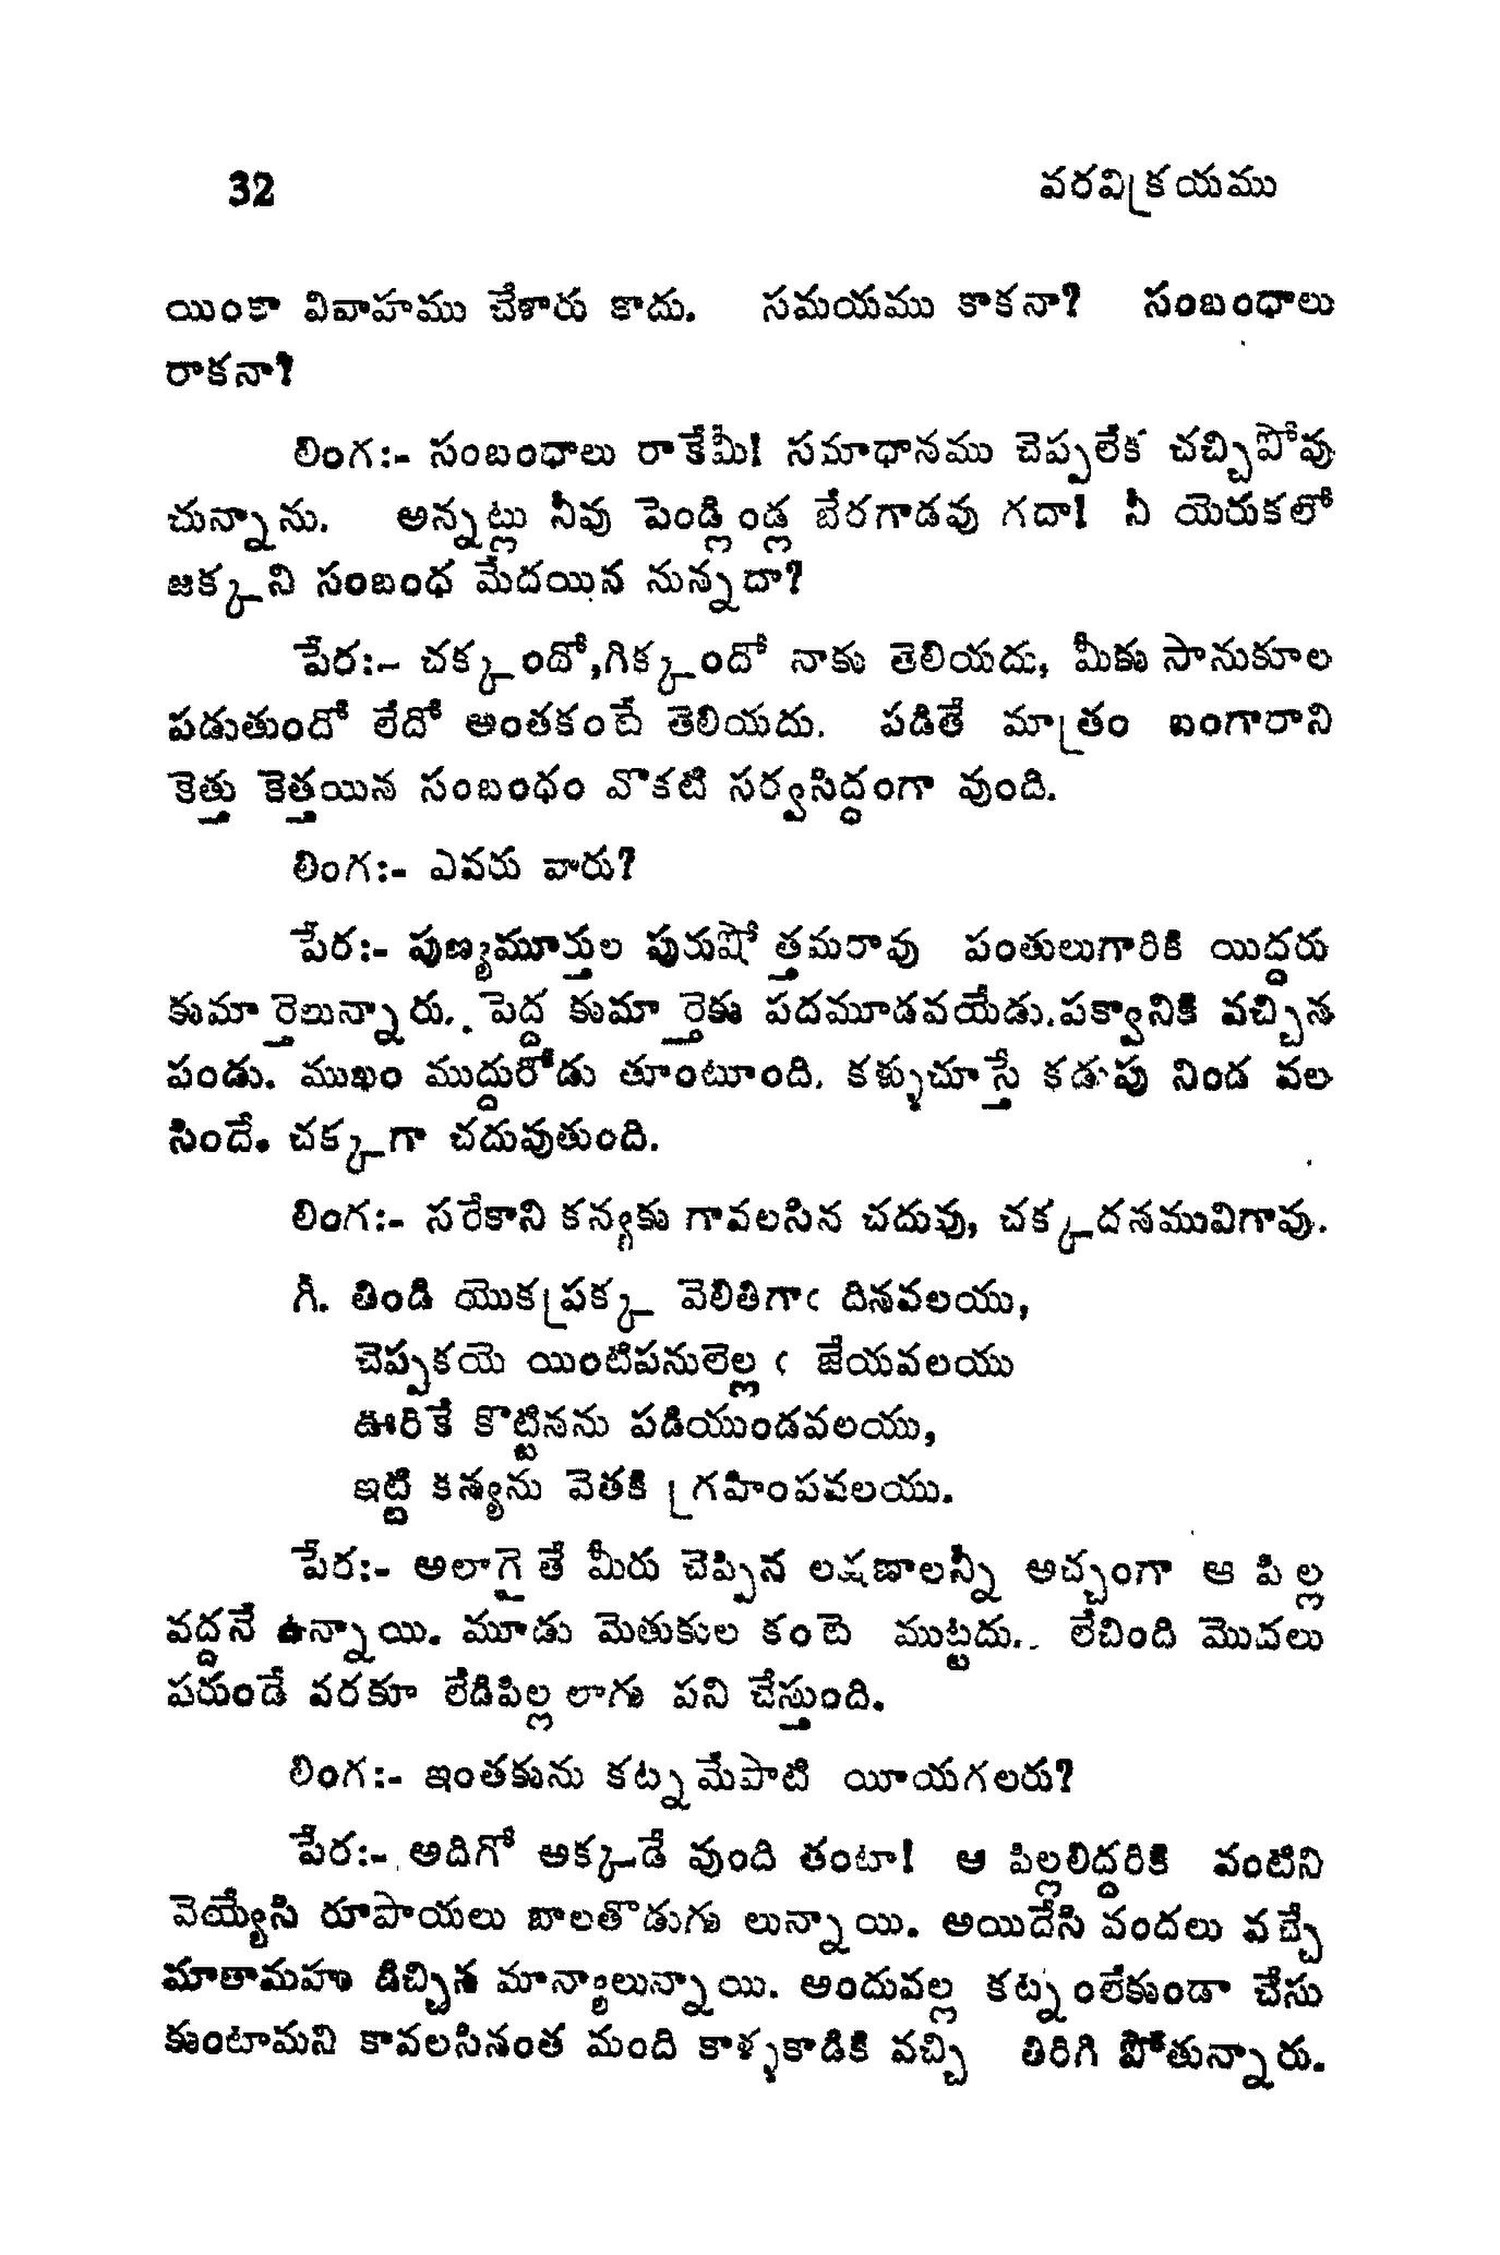యింకా వివాహం చేశారు కాదు. సమయము కాకనా? సంబంధాలు రాకనా?

లింగ :- సంబంధములు రాకేమీ! సమాధానము చెప్పలేక చచ్చిపోవుచున్నాను. అన్నట్లు నీవు పెండ్లిండ్ల బేరగాడవు గదా! నీ యెరుకలో జక్కని సంబంధ మేదయిన నున్నదా?

పేర :- చక్కందో గిక్కందో నాకు తెలియదు. మీకు సానుకూల పడుతుందో లేదో అంతకంటే తెలియదు. పడితే మాత్రం బంగారాని కెత్తు కెత్తయిన సంబంధం వొకటి సర్వసిద్ధంగా వుంది.

లింగ :- ఎవరు వారు?

పేర :- పుణ్యమూర్తుల పురుషోత్తమరావు పంతులుగారికి యిద్దరు కొమార్తెలున్నారు. పెద్ద కుమార్తెకు పదమూడవయేడు. పక్వానికి వచ్చిన పండు! ముఖం ముద్దురోడు తూంటూంది. కళ్ళుచూస్తే కడుపు నిండ వలసిందే! చక్కగా చదువుతుంది.

లింగ :- సరేకాని కన్యకు గావలసిన చదువు, చక్కదనమువిగావు.

గీ. తిండి యొకప్రక్క వెలితిగాఁ దినవలయు,
 చెప్పకయె యింటిపనులెల్లఁ జేయవలయు,
 ఊరకే కొట్టినను పడియుండవలయు,
 ఇట్టి కన్యను వెతకి గ్రహింపవలయు.
పేర :- అలాగైతే మీరు చెప్పిన లక్షణాలన్నీ అచ్చంగా ఆ పిల్లవద్దనే ఉన్నాయి. మూడు మెతుకుల కంటె ముట్టదు. లేచింది మొదలు పరుండే వరకూ లేడిపిల్ల లాగు పని చేస్తుంది.

లింగ :- ఇంతకును కట్నమేపాటి యీయగలరు?

పేర :- అదిగో అక్కడే వుంది తంటా! ఆపిల్లలిద్దరకి వంటని వెయ్యేసి రూపాయలు బాలతొడుగు లున్నాయి. అయిదేసి వందలు వచ్చే మాతామహు డిచ్చిన మాన్యాలున్నాయి. అందువల్ల కట్నంలేకుండా చేసుకుంటామని కావలసినంత మంది కాళ్లకాడికి వచ్చి తిరిగి పోతున్నారు.